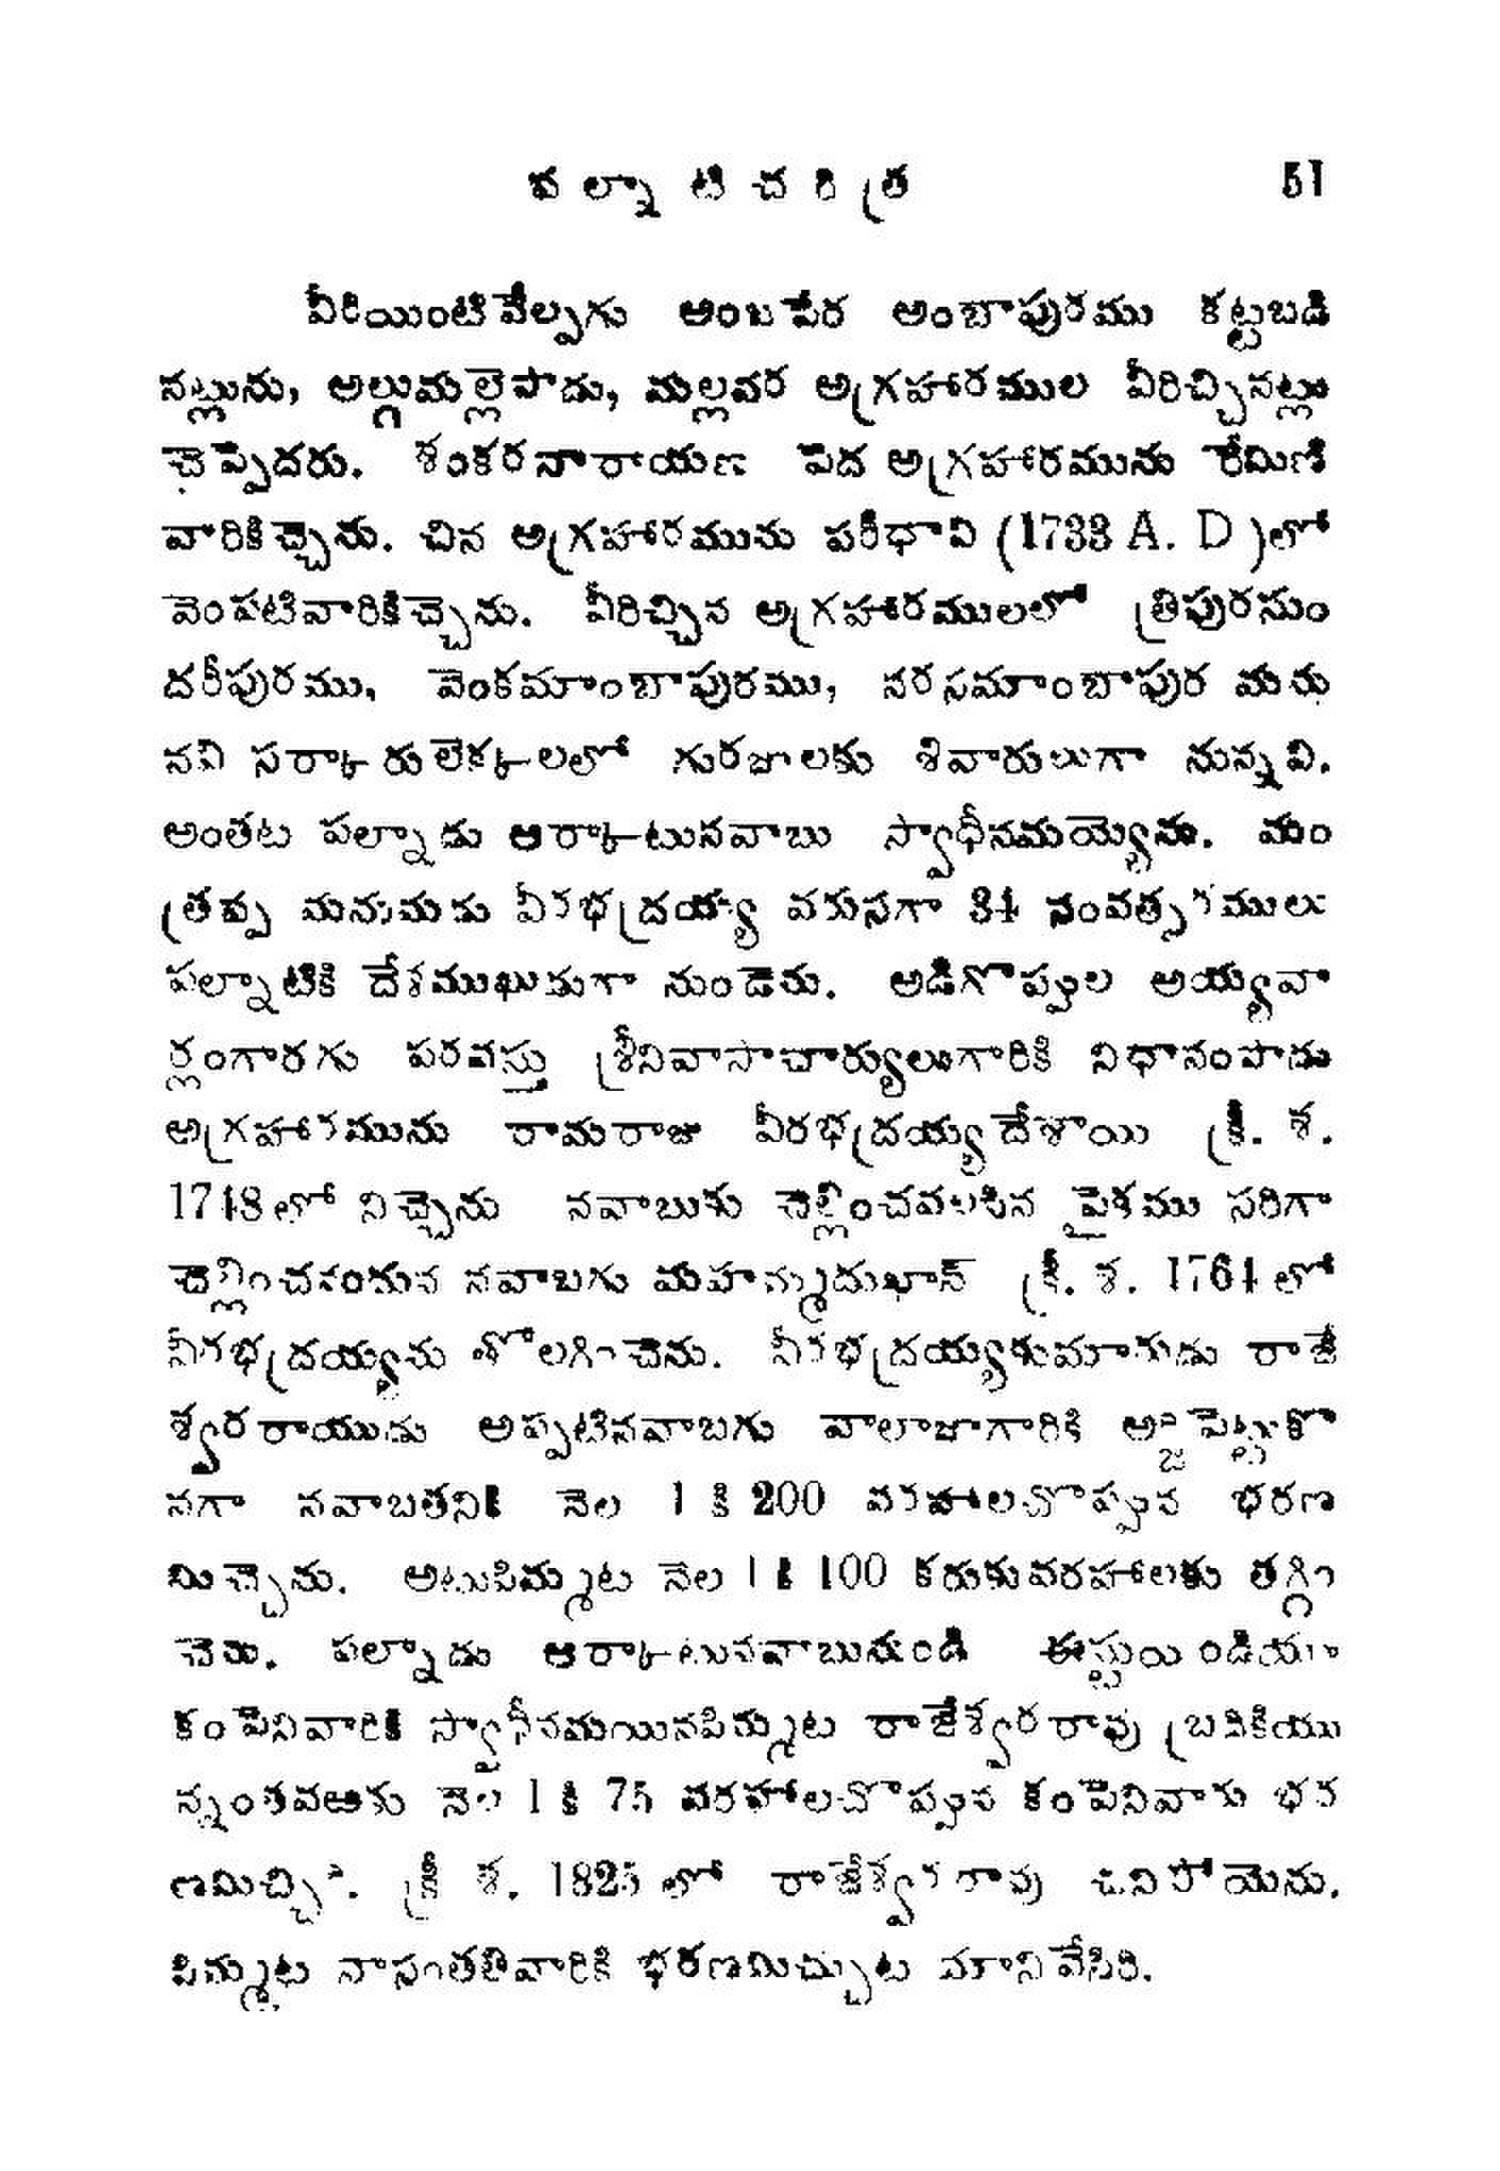వీరి యింటివేల్పగు అంబపేర అంబాపురము కట్టబడి
నట్లును, అల్లుమల్లెపాడు, మల్లవర అగ్రహారముల వీరిచ్చినట్లు
చెప్పెదరు. శంకరనారాయణ పెద్ద అగ్రహారమును రేమిణి
వారికిచ్చెను. చిన అగ్రహారమును పరీధావి (1738 A. D )లో
వెంపటివారికిచ్చెను. వీరిచ్చిన అగ్రహారములలో త్రిపురసుం
దరీపురము, వెంకమాంబాపురము, నరసమాంబాపుర మను 
నవి సర్కారులెక్కలలో గురజాలకు శివారులుగా నున్నవి.
అంతట పల్నాడు ఆర్కాటునవాబు స్వాధీనమయ్యెను. మంత్రప్ప 
మనుమడు వీరభద్రయ్య వరుసగా 34 సంవత్సరములు
పల్నాటికి దేశముఖుడుగా నుండెను. అడిగొప్పుల అయ్యవార్లంగారు 
పరవస్తు శ్రీనివాసాచార్యులు గారికి నిధానంపాడు
అగ్రహారమును రామరాజు వీరభద్రయ్య దేశాయి క్రీ. శ.
1718లో నిచ్చెను. నవాబుకు చెల్లించవలసిన పైకము సరిగా
చెల్లించనందున నవాబగు మహమ్మదుఖాన్ క్రీ.శ. 1764 లో
నీరభద్రయ్యను తొలగించెను. వీరభద్రయ్య కుమారుడు రాజే
శ్వరరాయుడు అప్పటినవాబగు వాలాజా గారికి అర్జి పెట్టుకొనగా 
నవాబతనికి నెల 1 కి 200 వరహాల చొప్పున భరణ
మిచ్చెను. అటుపిమ్మట నెల 1 100 వరుకు వరహాలకు తగ్గిం
చెను . పల్నాడు ఆర్కాటునవాబునుండి ఈస్టుయిండియా
కంపెనివారికి స్వాధీనమయినపిమ్మట రాజేశ్వరరావు బ్రదికి 
యున్నంతవఱకు నెల 1 కి 75 వరహాల చొప్పున కంపెనివారు 
భరణమిచ్చిరి. క్రీ శ. 1825 లో రాజేశ్వర రావు చనిపోయెను,
పిమ్మట నాసంతతివారికి భరణమిచ్చుట మాని వేసిరి.